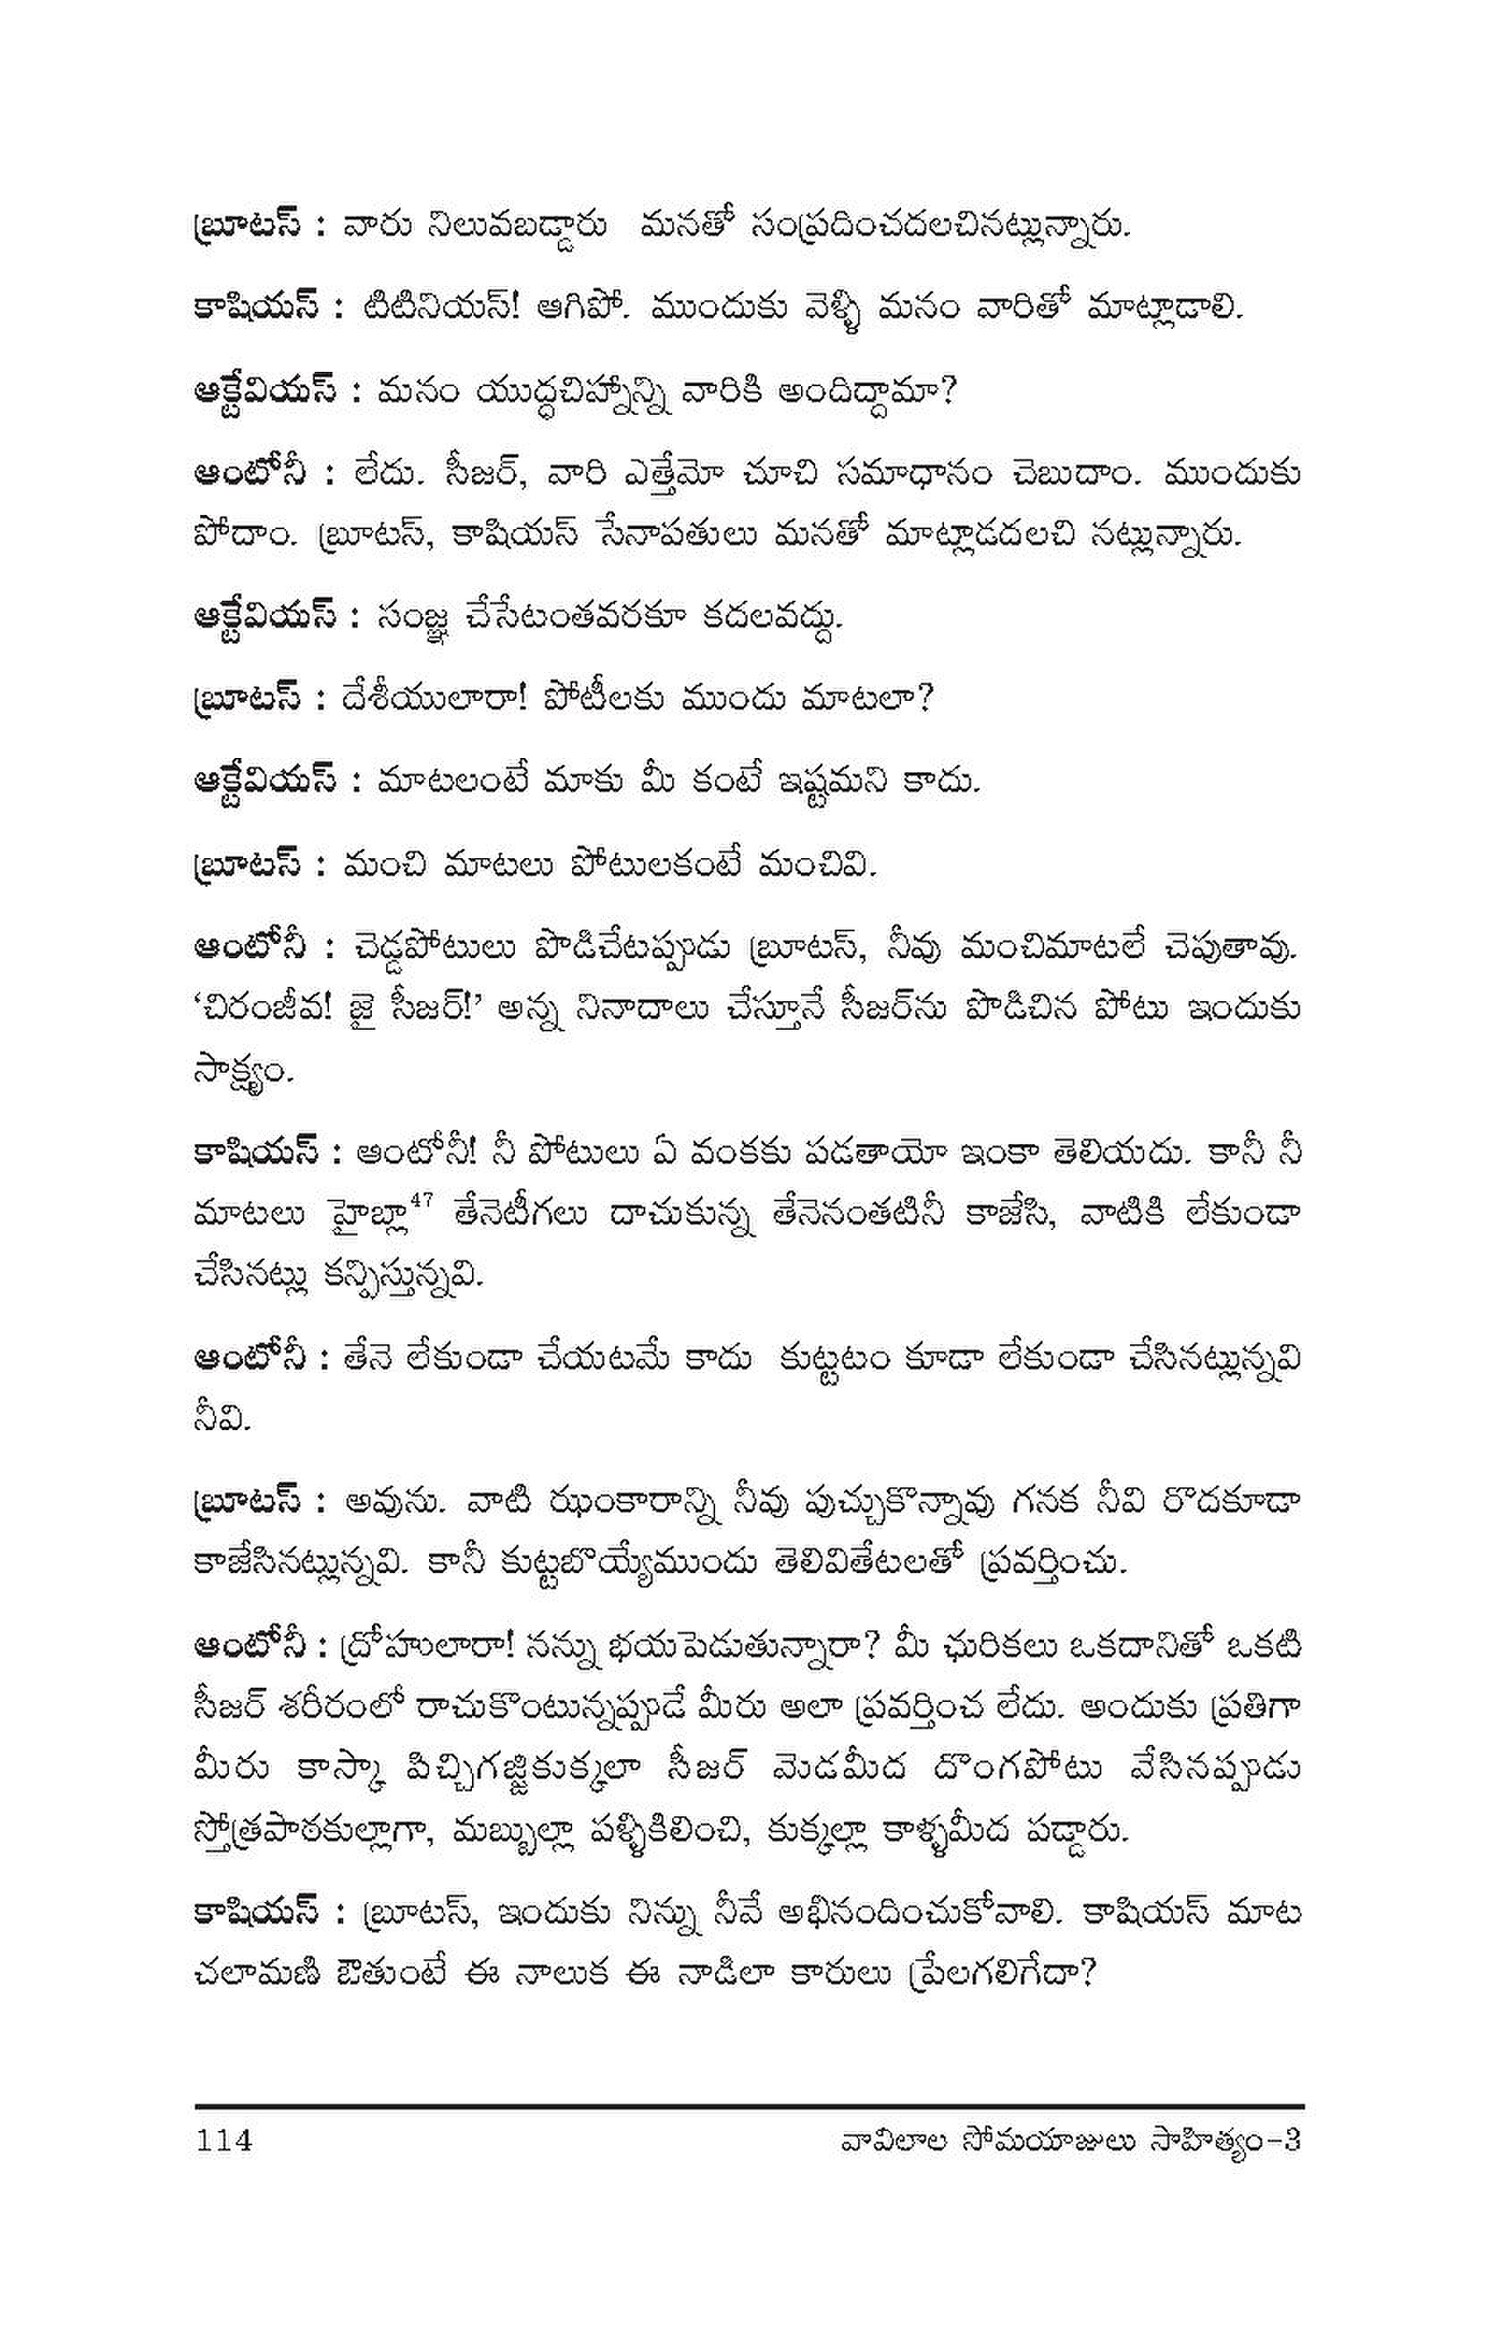బ్రూటస్ : వారు నిలువబడ్డారు మనతో సంప్రదించదలచినట్లున్నారు.

కాషియస్ : టిటినియస్! ఆగిపో. ముందుకు వెళ్ళి మనం వారితో మాట్లాడాలి.

ఆక్టేవియస్ : మనం యుద్ధచిహ్నాన్ని వారికి అందిద్దామా?

ఆంటోనీ : లేదు. సీజర్, వారి ఎత్తేమో చూచి సమాధానం చెబుదాం. ముందుకు పోదాం. బ్రూటస్, కాషియస్ సేనాపతులు మనతో మాట్లాడదలచి నట్లున్నారు.

ఆక్టేవియస్ : సంజ్ఞ చేసేటంతవరకూ కదలవద్దు.

బ్రూటస్ : దేశీయులారా! పోటీలకు ముందు మాటలా?

ఆక్టేవియస్ : మాటలంటే మాకు మీ కంటే ఇష్టమని కాదు.

బ్రూటస్ : మంచి మాటలు పోటులకంటే మంచివి.

ఆంటోనీ : చెడ్డపోటులు పొడిచేటప్పుడు బ్రూటస్, నీవు మంచిమాటలే చెపుతావు. 'చిరంజీవ! జై సీజర్!' అన్న నినాదాలు చేస్తూనే సీజర్ ను పొడిచిన పోటు ఇందుకు సాక్ష్యం.

కాషియస్ : ఆంటోనీ! నీ పోటులు ఏ వంకకు పడతాయో ఇంకా తెలియదు. కానీ నీ మాటలు హైబ్లా" తేనెటీగలు దాచుకున్న తేనెనంతటినీ కాజేసి, వాటికి లేకుండా చేసినట్లు కన్పిస్తున్నవి.

ఆంటోనీ : తేనె లేకుండా చేయటమే కాదు కుట్టటం కూడా లేకుండా చేసినట్లున్నవి నీవి.

బ్రూటస్ : అవును. వాటి ఝంకారాన్ని నీవు పుచ్చుకొన్నావు గనక నీవి రొదకూడా కాజేసినట్లున్నవి. కానీ కుట్టబొయ్యేముందు తెలివితేటలతో ప్రవర్తించు.

ఆంటోనీ : ద్రోహులారా! నన్ను భయపెడుతున్నారా? మీ చురికలు ఒకదానితో ఒకటి సీజర్ శరీరంలో రాచుకొంటున్నప్పుడే మీరు అలా ప్రవర్తించ లేదు. అందుకు ప్రతిగా మీరు కాస్కా పిచ్చిగజ్జికుక్కలా సీజర్ మెడమీద దొంగపోటు వేసినప్పుడు స్తోత్రపాఠకుల్లాగా, మబ్బుల్లా పళ్ళికిలించి, కుక్కల్లా కాళ్ళమీద పడ్డారు.

కాషియస్ : బ్రూటస్, ఇందుకు నిన్ను నీవే అభినందించుకోవాలి. కాషియస్ మాట చలామణి ఔతుంటే ఈ నాలుక ఈ నాడిలా కారులు ప్రేలగలిగేదా?